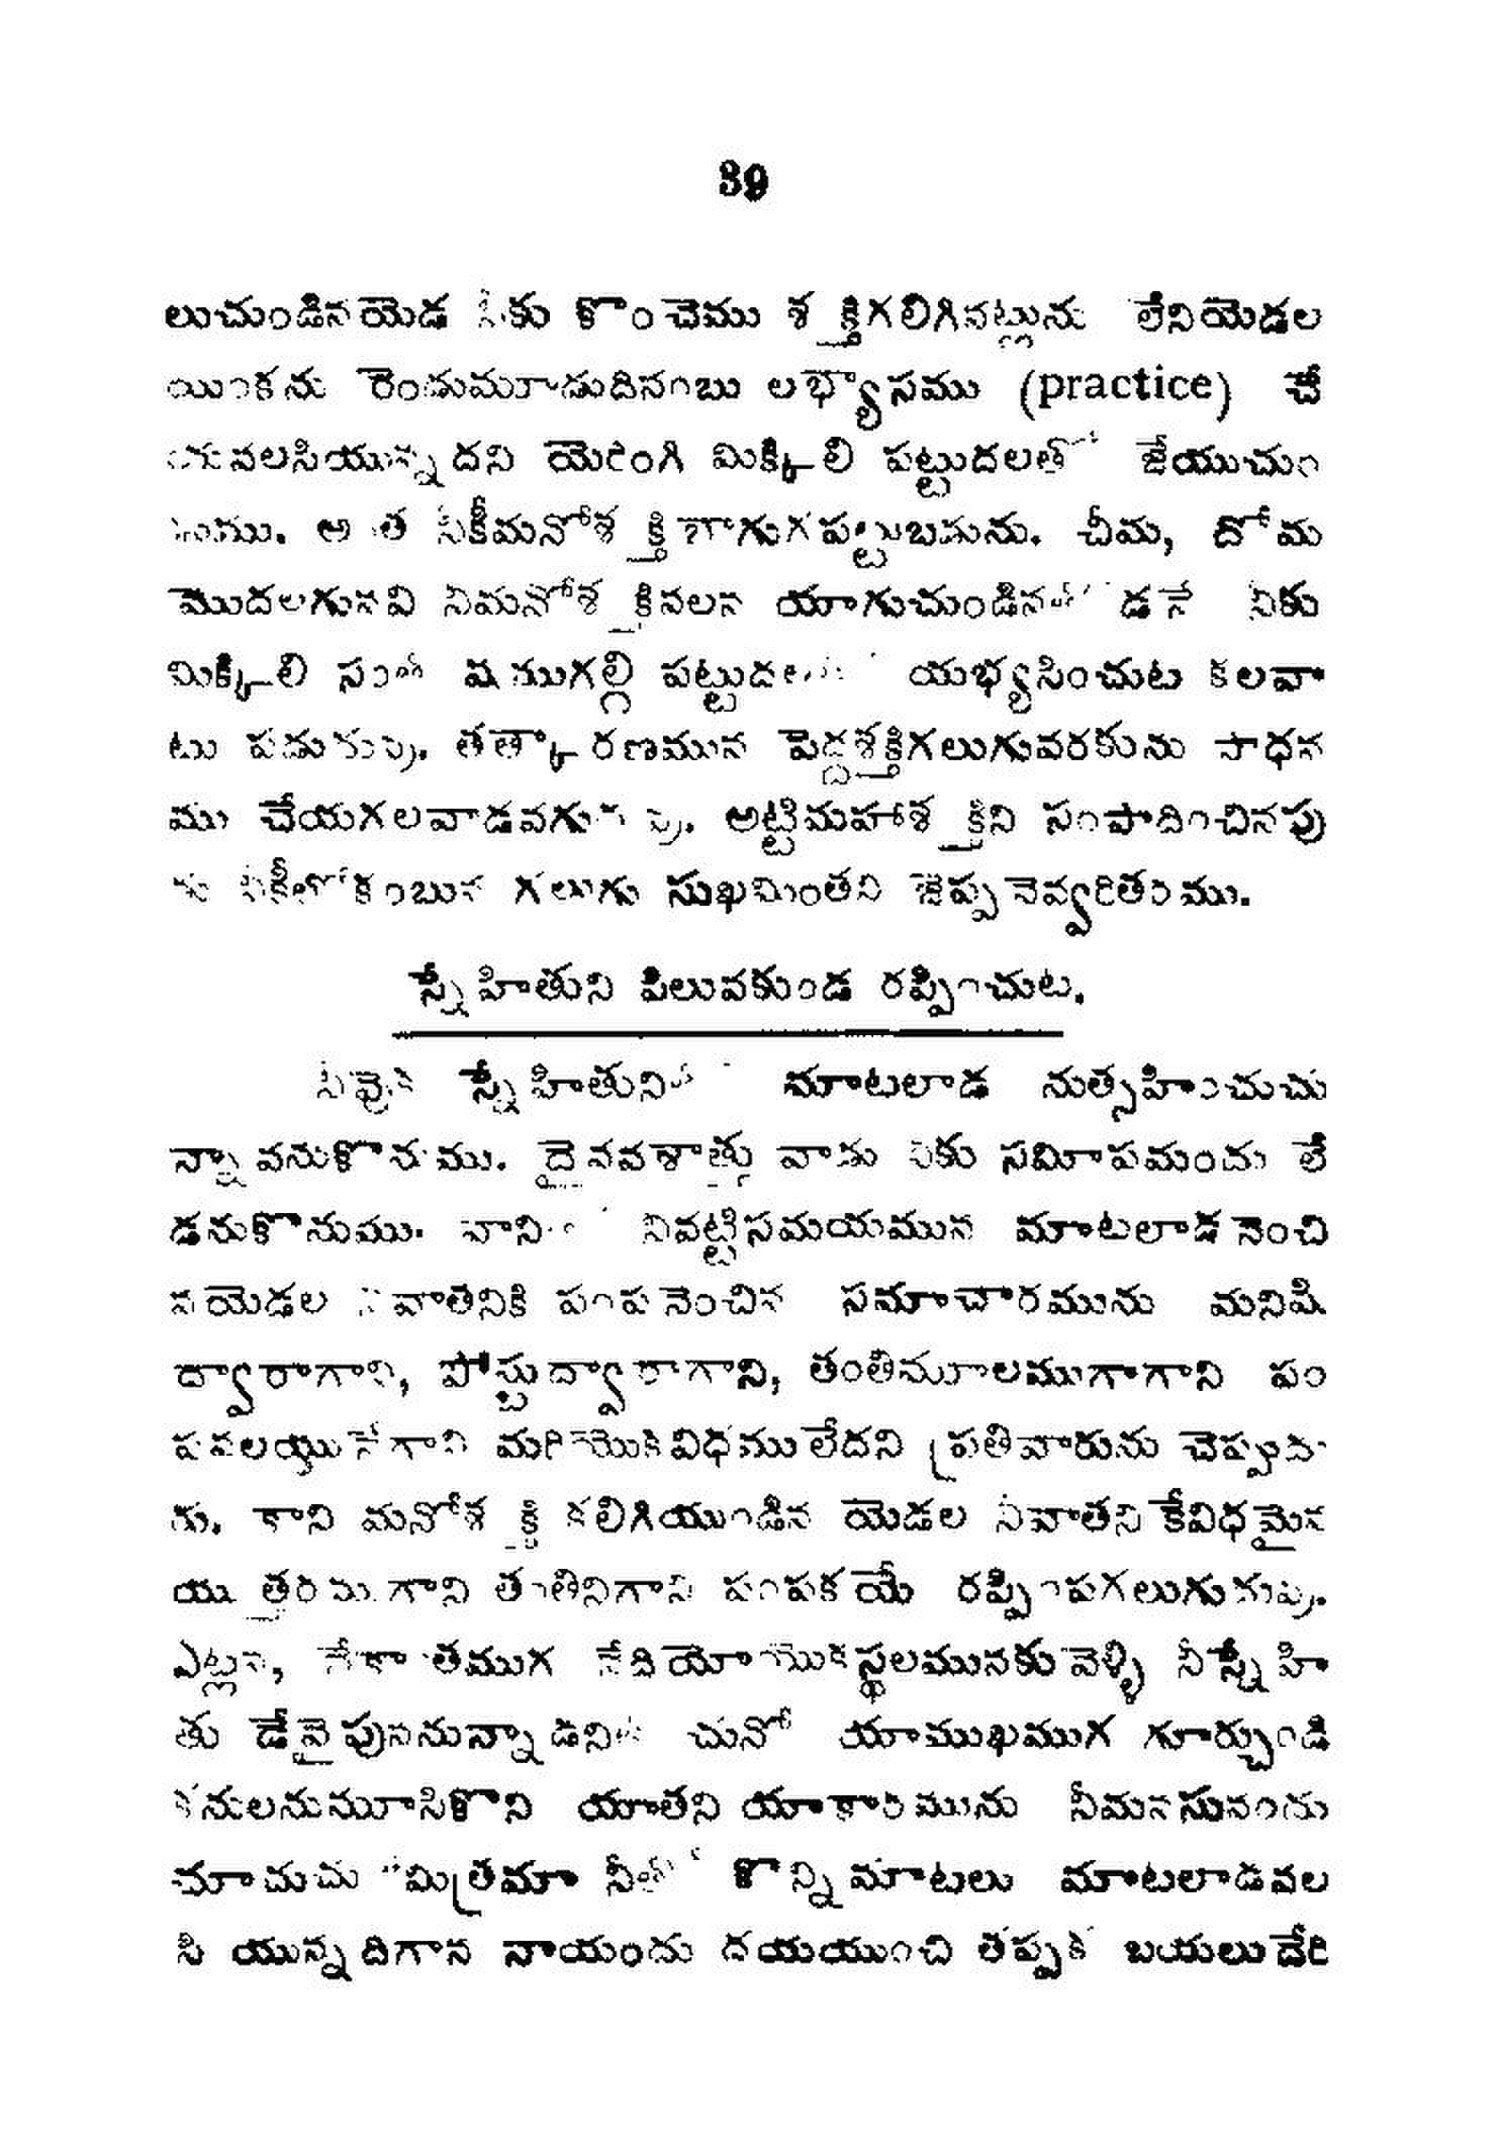లుచుండినయెడ నీకు కొంచెము శక్తిగలిగినట్లును లేనియెడల యింకను రెండుమూడుదినంబు లభ్యాసము (practice) చేయవలసియున్నదని యెరింగి మిక్కిలి పట్టుదలతో జేయుచుండుము. అంత నీకీమనోశక్తిబాగుగ పట్టుబడును. చీమ, దోమ మొదలగునవి నీమనోశక్రివలన యాగుచుండినతోడనే నీకు మిక్కిలి సంతోషముగల్గి పట్టుదలతో యభ్యసించుట కలవాటు పడుదువు. తత్కారణమున పెద్దశక్తిగలుగువరకును సాధనము చేయగలవాడవగుదువు. అట్టిమహాశక్తిని సంపాదించినపుడు నీకీలోకంబున గలుగు సుఖమింతని జెప్పనెవ్వరితరము.

నీవొక స్నేహితునితో మాటలాడ నుత్సహించుచున్నావనుకొనుము. దైవవశాత్తు వాడు నీకు సమీపమందు లేడనుకొనుము. వానితో నీవట్టిసమయమున మాటలాడనెంచినయెడల నీవాతానికి పంపనెంచిన సమాచారమును మనిషి ద్వారాగాని, పోస్టుద్వారాగాని, తంతిమూలముగాగాని పంపవలయునేగాని మరియొకవిధములేదని ప్రతివారును చెప్పుదురు. కాని మనోశక్తి కలిగియుండిన యెడల నీవాతని కేవిధమైన యుత్తరము గాని తంతినిగాని, పంపకయే రప్పింపగలుగుదువు.
ఎట్లన, నేకాంతముగ నేదియోయొకస్థలమునకువెళ్ళి నీస్నేహితు డేవైపుననున్నాడనితో చునో యాముఖముగ గూర్చుండి కనులనుమూసికొని యాతని యాకారమును నీమనసునందు చూచుచు "మిత్రమా నీతో" కొన్నిమాటలు మాటలాడవలసి యున్నదిగాన నాయందు దయయుంచి తప్పుక బయలుదేరి